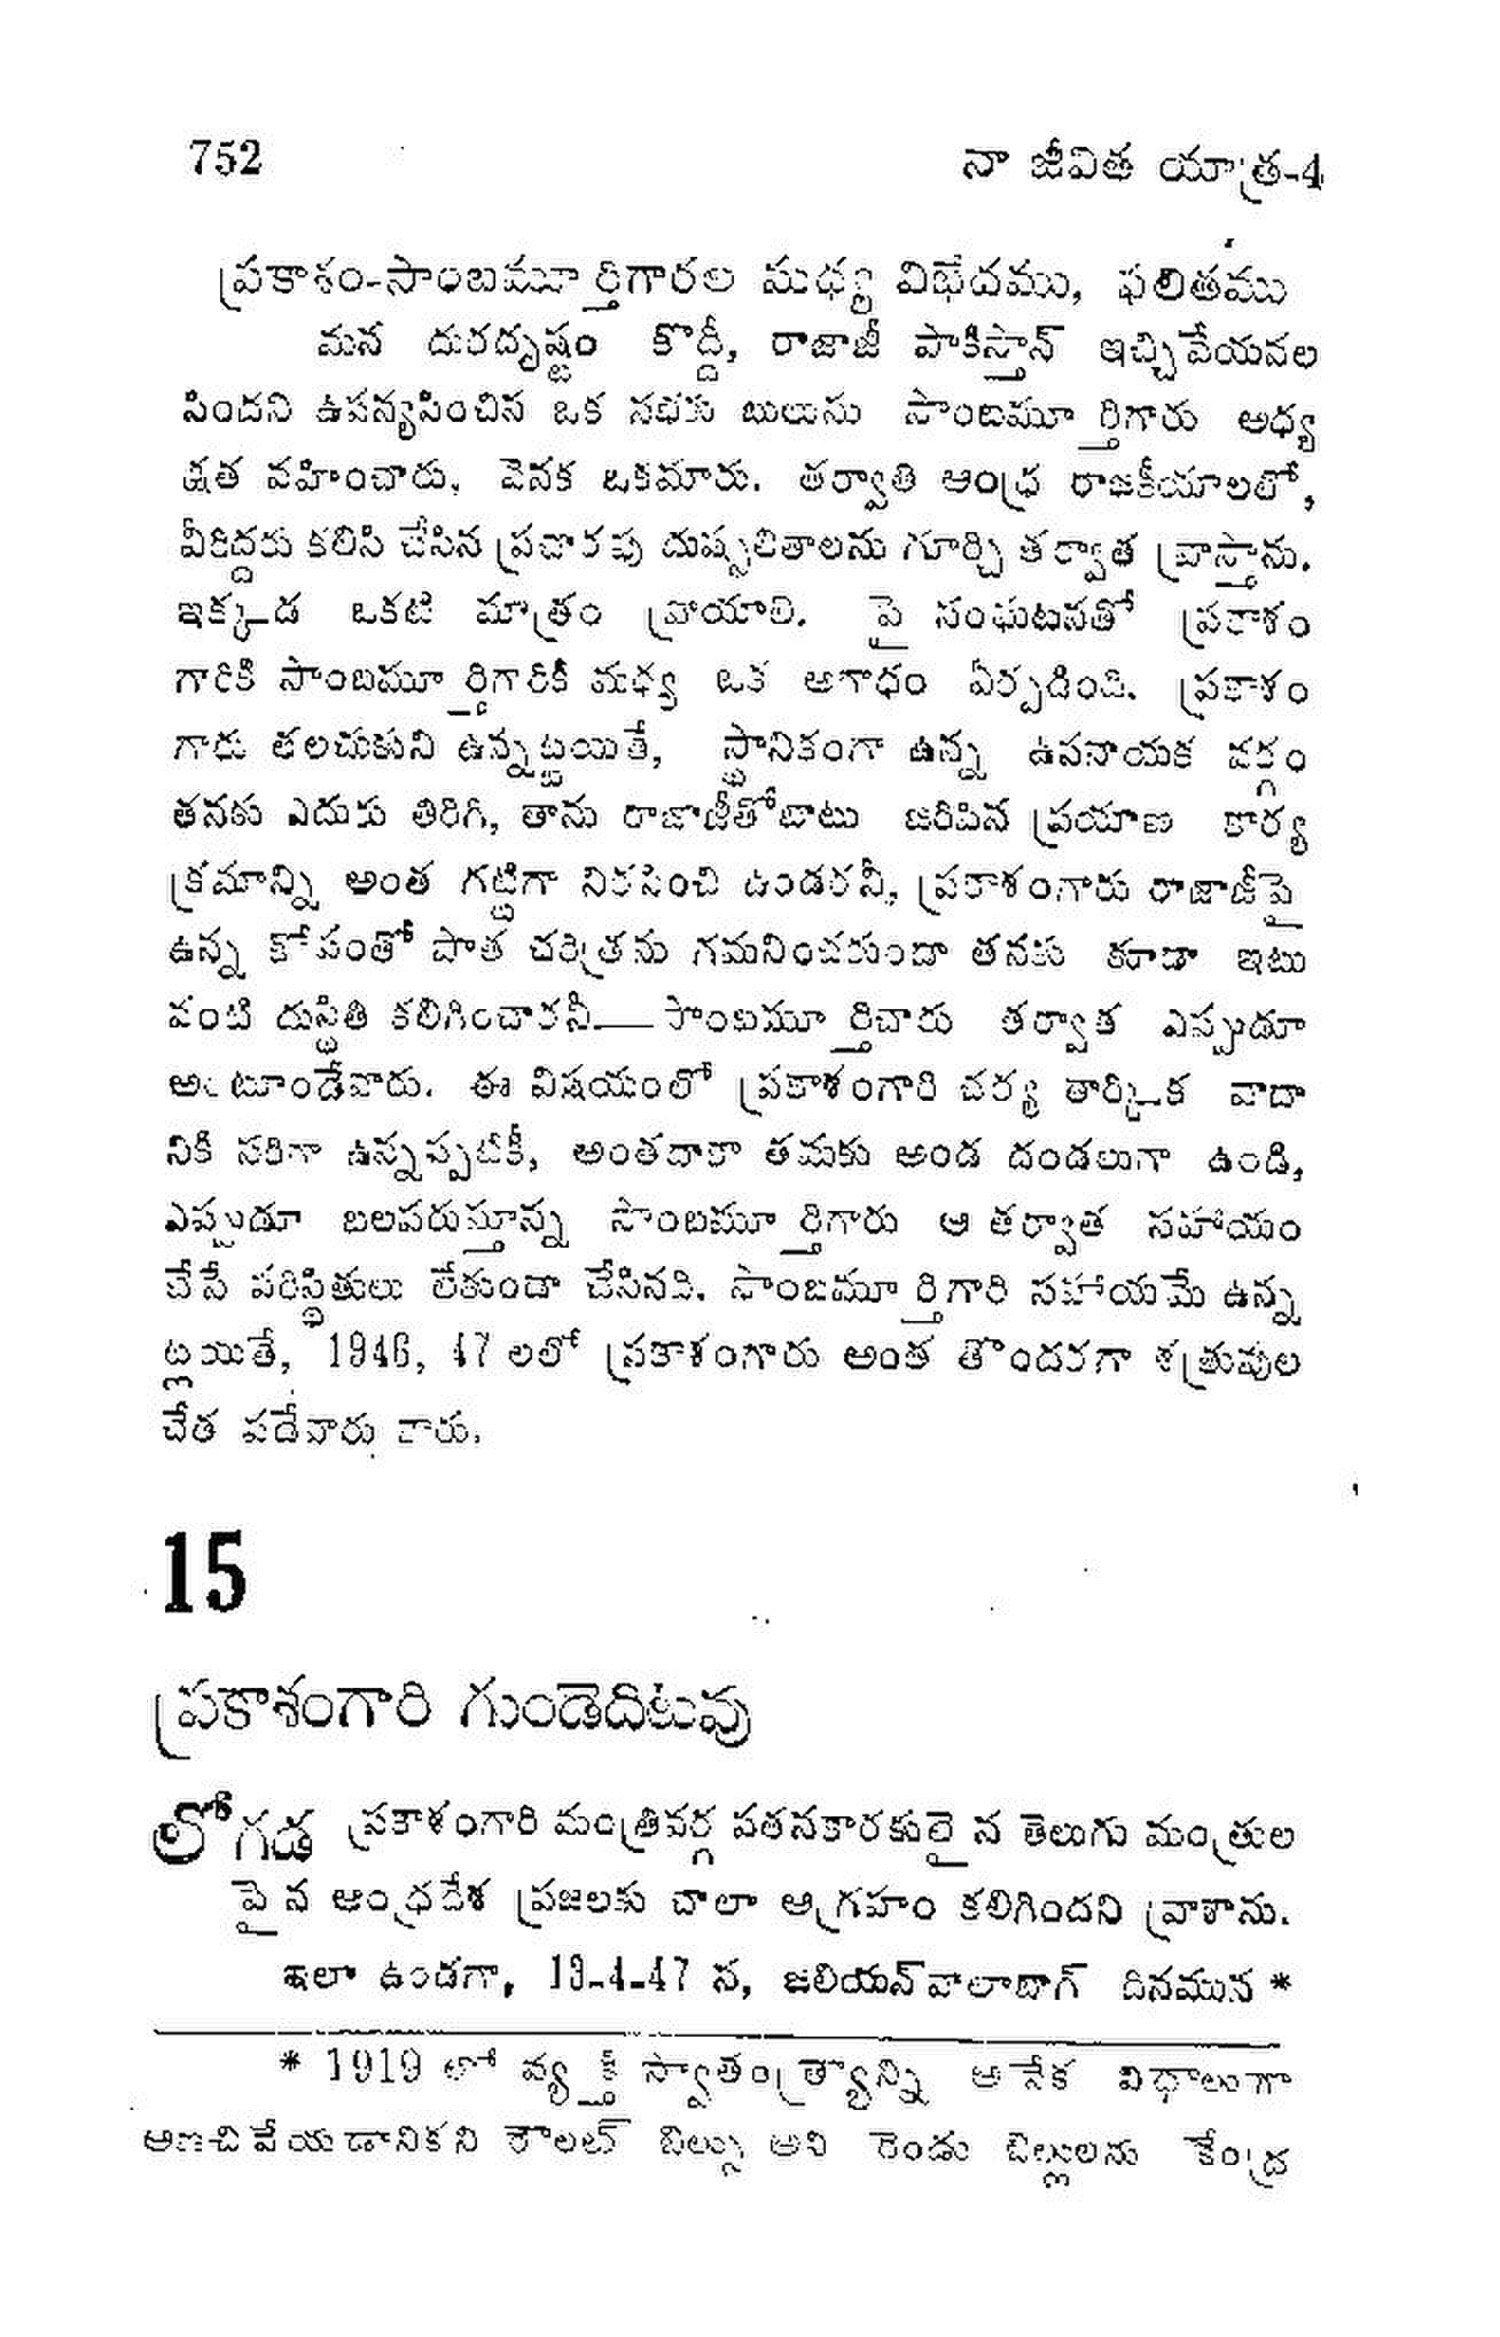మన దురదృష్టం కొద్దీ, రాజాజీ పాకిస్తాన్ ఇచ్చివేయవలసిందని ఉపన్యసించిన ఒక సభకు బులుసు సాంబమూర్తిగారు అధ్యక్షత వహించారు, వెనక ఒకమారు. తర్వాతి ఆంధ్ర రాజకీయాలలో, వీరిద్దరు కలిసి చేసిన ప్రచారపు దుష్ఫలితాలను గూర్చి తర్వాత వ్రాస్తాను. ఇక్కడ ఒకటి మాత్రం వ్రాయాలి. పై సంఘటనతో ప్రకాశంగారికి సాంబమూర్తిగారికి మధ్య ఒక అగాధం ఏర్పడింది. ప్రకాశంగారు తలచుకుని ఉన్నట్టయితే, స్థానికంగా ఉన్న ఉపనాయక వర్గం తనకు ఎదురు తిరిగి, తాను రాజాజీతోబాటు జరిపిన ప్రయాణ కార్యక్రమాన్ని అంత గట్టిగా నిరసించి ఉండరనీ, ప్రకాశంగారు రాజాజీపై ఉన్న కోపంతో పాత చరిత్రను గమనించకుండా తనకు కూడా ఇటువంటి దుస్థితి కలిగించారనీ - సాంబమూర్తిగారు తర్వాత ఎప్పుడూ అంటూండేవారు. ఈ విషయంలో ప్రకాశంగారి చర్య తార్కిక వాదానికి సరిగా ఉన్నప్పటికీ, అంతదాకా తమకు అండ దండలుగా ఉండి, ఎప్పుడూ బలపరుస్తూన్న సాంబమూర్తిగారు ఆ తర్వాత సహాయం చేసే పరిస్థితులు లేకుండా చేసినది. సాంబమూర్తిగారి సహాయమే ఉన్నట్లయితే, 1946, 47 లలో ప్రకాశంగారు అంత తొందరగా శత్రువుల చేత పడేవారు కారు.

లోగడ ప్రకాశంగారి మంత్రివర్గ పతనకారకులైన తెలుగు మంత్రులపైన ఆంధ్రదేశ ప్రజలకు చాలా ఆగ్రహం కలిగిందని వ్రాశాను.

ఇలా ఉండగా, 13-4-47 న, జలియన్‌వాలాబాగ్ దినమున